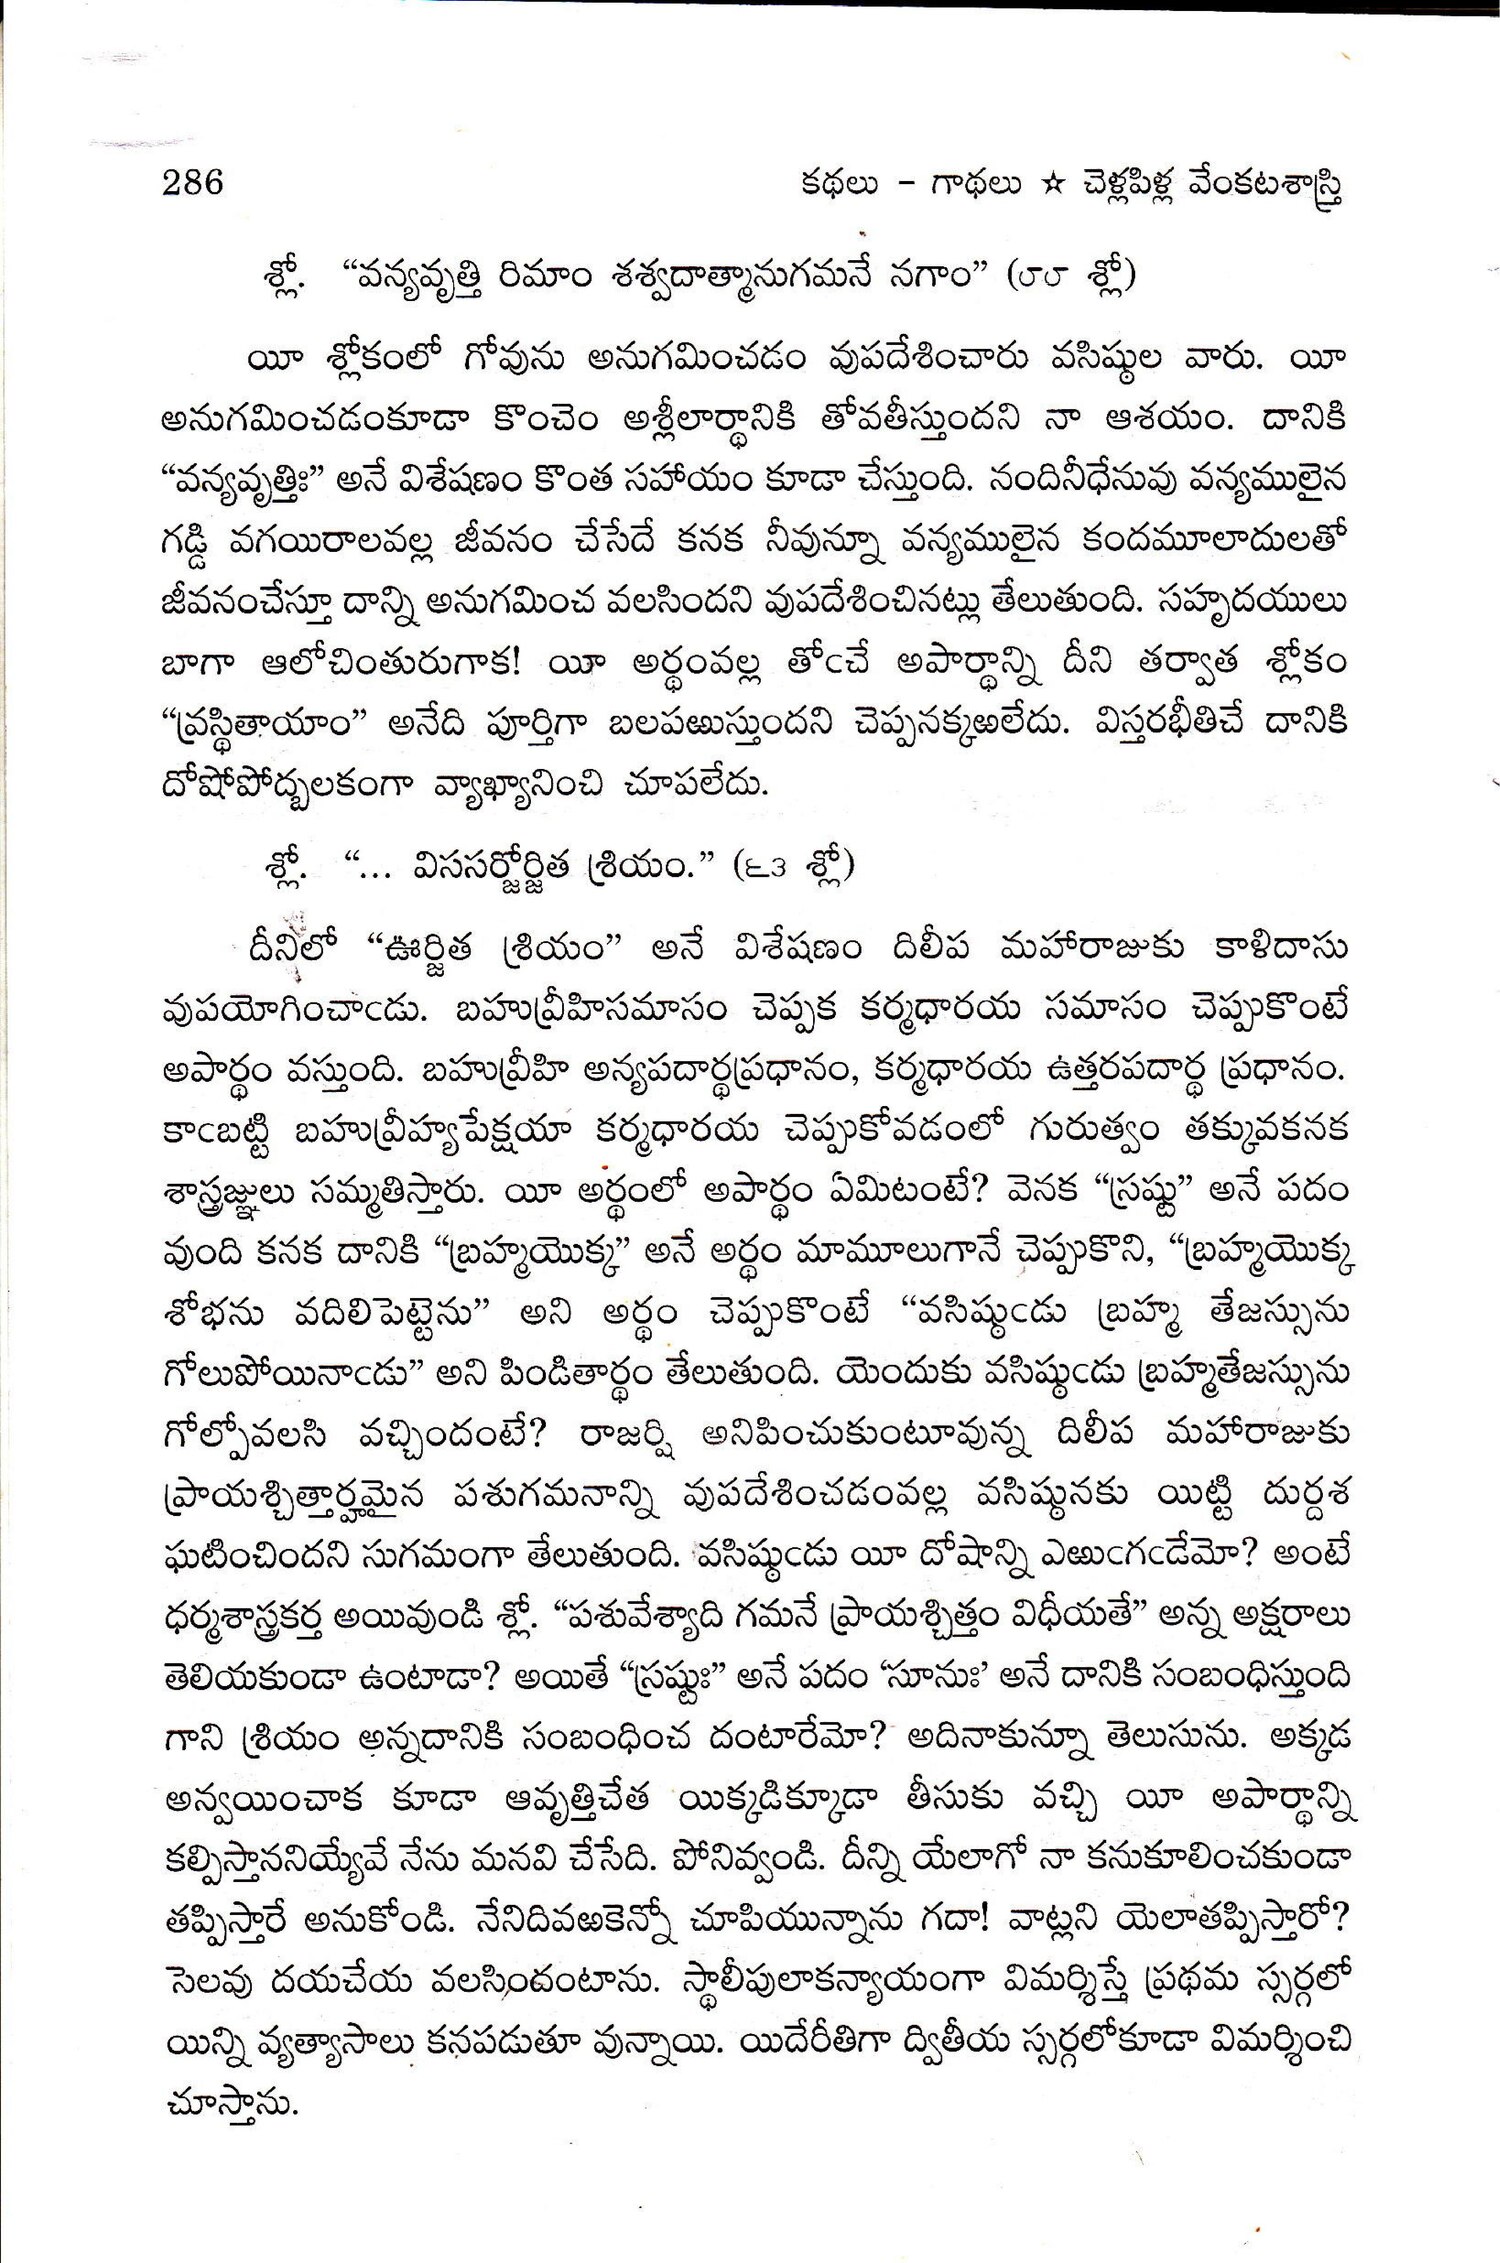శ్లో. "వన్యవృత్తి రిమాం శశ్వదాత్మానుగమనే నగాం" (88 శ్లో)
యీ శ్లోకంలో గోవును అనుగమించడం వుపదేశించారు వసిష్ఠుల వారు. యీ అనుగమించడంకూడా కొంచెం అళ్లీలార్థానికి తోవతీస్తుందని నా ఆశయం. దానికి “వన్యవృత్తి" అనే విశేషణం కొంత సహాయం కూడా చేస్తుంది. నందినీధేనువు వన్యములైన గడ్డి వగయిరాలవల్ల జీవనం చేసేదే కనక నీవున్నూ వన్యములైన కందమూలాదులతో జీవనంచేస్తూ దాన్ని అనుగమించ వలసిందని వుపదేశించినట్లు తేలుతుంది. సహృదయులు బాగా ఆలోచింతురుగాక! యీ అర్ధంవల్ల తోఁచే అపార్ధాన్ని దీని తర్వాత శ్లోకం “వ్రస్థితాయాం" అనేది పూర్తిగా బలపఱుస్తుందని చెప్పనక్కఱలేదు. విస్తరభీతిచే దానికి దోషోపోద్బలకంగా వ్యాఖ్యానించి చూపలేదు.

శ్లో. “... విససర్జోర్జిత శ్రియం.” (63 శ్లో)
దీనిలో “ఊర్జిత శ్రియం" అనే విశేషణం దిలీప మహారాజుకు కాళిదాసు వుపయోగించాఁడు. బహువ్రీహిసమాసం చెప్పక కర్మధారయ సమాసం చెప్పుకొంటే అపార్థం వస్తుంది. బహువ్రీహి అన్యపదార్ధప్రధానం, కర్మధారయ ఉత్తరపదార్థ ప్రధానం. కాఁబట్టి బహువ్రీహ్యపేక్షయా కర్మధారయ చెప్పుకోవడంలో గురుత్వం తక్కువకనక శాస్త్రజ్ఞులు సమ్మతిస్తారు. యీ అర్థంలో అపార్థం ఏమిటంటే? వెనక "స్రష్టు" అనే పదం వుంది కనక దానికి "బ్రహ్మయొక్క" అనే అర్థం మామూలుగానే చెప్పుకొని, “బ్రహ్మయొక్క శోభను వదిలిపెట్టెను" అని అర్థం చెప్పుకొంటే “వసిష్ఠుఁడు బ్రహ్మ తేజస్సును గోలుపోయినాcడు” అని పిండితార్థం తేలుతుంది. యెందుకు వసిష్ఠుఁడు బ్రహ్మతేజస్సును గోల్పోవలసి వచ్చిందంటే? రాజర్షి అనిపించుకుంటూవున్న దిలీప మహారాజుకు ప్రాయశ్చిత్తార్హమైన పశుగమనాన్ని వుపదేశించడంవల్ల వసిష్ఠునకు యిట్టి దుర్దశ ఘటించిందని సుగమంగా తేలుతుంది. వసిష్ఠుఁడు యీ దోషాన్ని ఎఱుఁగఁడేమో? అంటే ధర్మశాస్త్రకర్త అయివుండి శ్లో “పశువేశ్యాది గమనే ప్రాయశ్చిత్తం విధీయతే" అన్న అక్షరాలు తెలియకుండా ఉంటాడా? అయితే “స్రష్టుః" అనే పదం 'సూనుః’ అనే దానికి సంబంధిస్తుంది గాని శ్రియం అన్నదానికి సంబంధించ దంటారేమో? అదినాకున్నూ తెలుసును. అక్కడ అన్వయించాక కూడా ఆవృత్తిచేత యిక్కడిక్కూడా తీసుకు వచ్చి యీ అపార్ధాన్ని కల్పిస్తాననియ్యేవే నేను మనవి చేసేది. పోనివ్వండి. దీన్ని యేలాగో నా కనుకూలించకుండా తప్పిస్తారే అనుకోండి. నేనిదివఱకెన్నో చూపియున్నాను గదా! వాట్లని యెలాతప్పిస్తారో? సెలవు దయచేయ వలసిందంటాను. స్థాలీపులాకన్యాయంగా విమర్శిస్తే ప్రథమ స్సర్గలో యిన్ని వ్యత్యాసాలు కనపడుతూ వున్నాయి. యిదేరీతిగా ద్వితీయ స్సర్గలోకూడా విమర్శించి చూస్తాను.